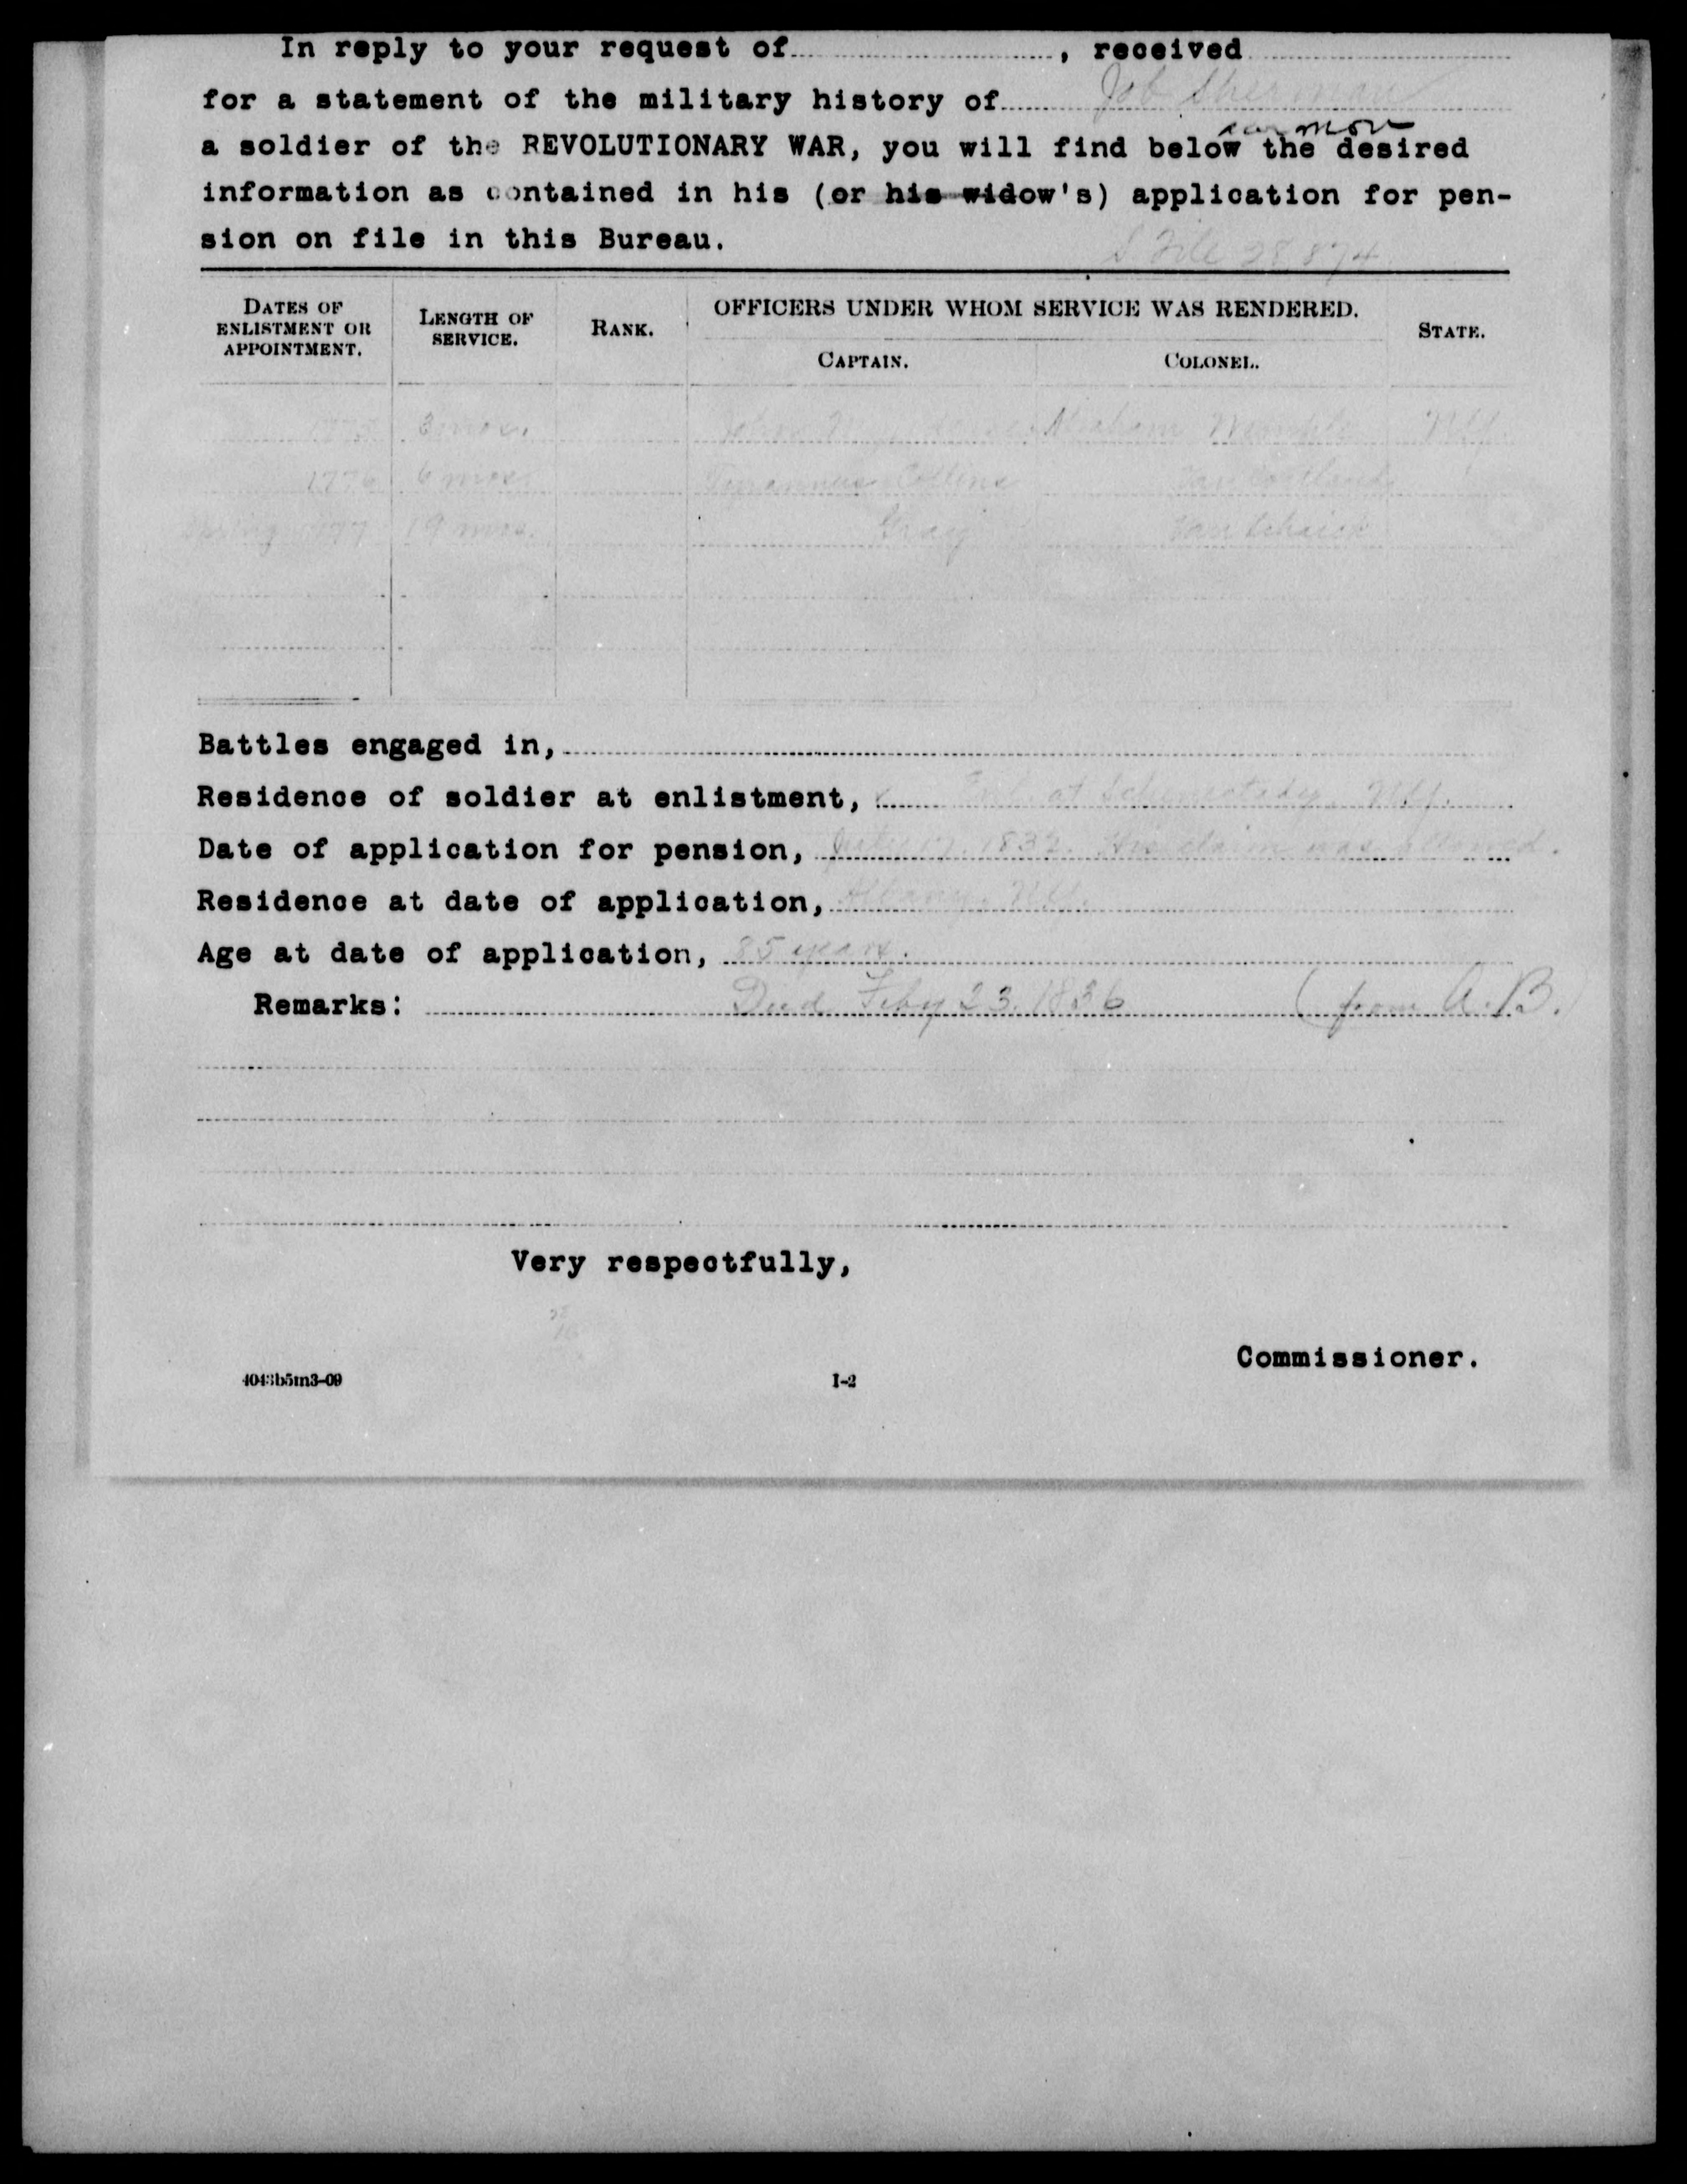[doc is printed & written]

In reply to your request of ----, requested---
for a statement of the military history of Job Sherman [Shearmon inserted below]
a soldier of the REVOLUTIONARY WAR, you will find below the desired
information as contained in his (or his widow's) [3 words crossed out] application for pen-
sion on file in the Bureau.

[follows is a table with 6 columns indicated by | ]

Line 1=DATES OF ENLISTMENT OR APPOINTMENT | LENGTH OF SERVICE | RANK | OFFICERS UNDER WHOM SERVICE WAS RENDERED | CAPTAIN | COLONEL | STATE
Line 2=1775 | 3 mos |    | John Mynderse | Abraham Wemple | NY
Line 3=1776 | 6 Mos |    | Tyrannus Collins | Van Cortland |  
Line 4=Spring 1777 | 19 mos |    | Gray | Van Schaick | 
Battles engaged in,....
Residence of soldier at enlistment, Ent at Schenectady NY
Date of application for pension, July 17. 1832  His claim was allowed
Residence at date of application, Albany, NY
Age at date of application, 85 years
Remarks: Died Feby 23, 1836   (from A.B.)
Very Respectfully,
4043b5m3-09   I-2   Commissioner.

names: Job Sherman; [ILLEGIBLE] [ILLEGIBLE]; [BLANK] Gray; Tipenner Collins; [BLANK] [ILLEGIBLE]; [ILLEGIBLE] [ILLEGIBLE]; [BLANK] [ILLEGIBLE]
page: 10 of 10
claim: survivor's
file: S. 28,874, for Job Shearmon, New York